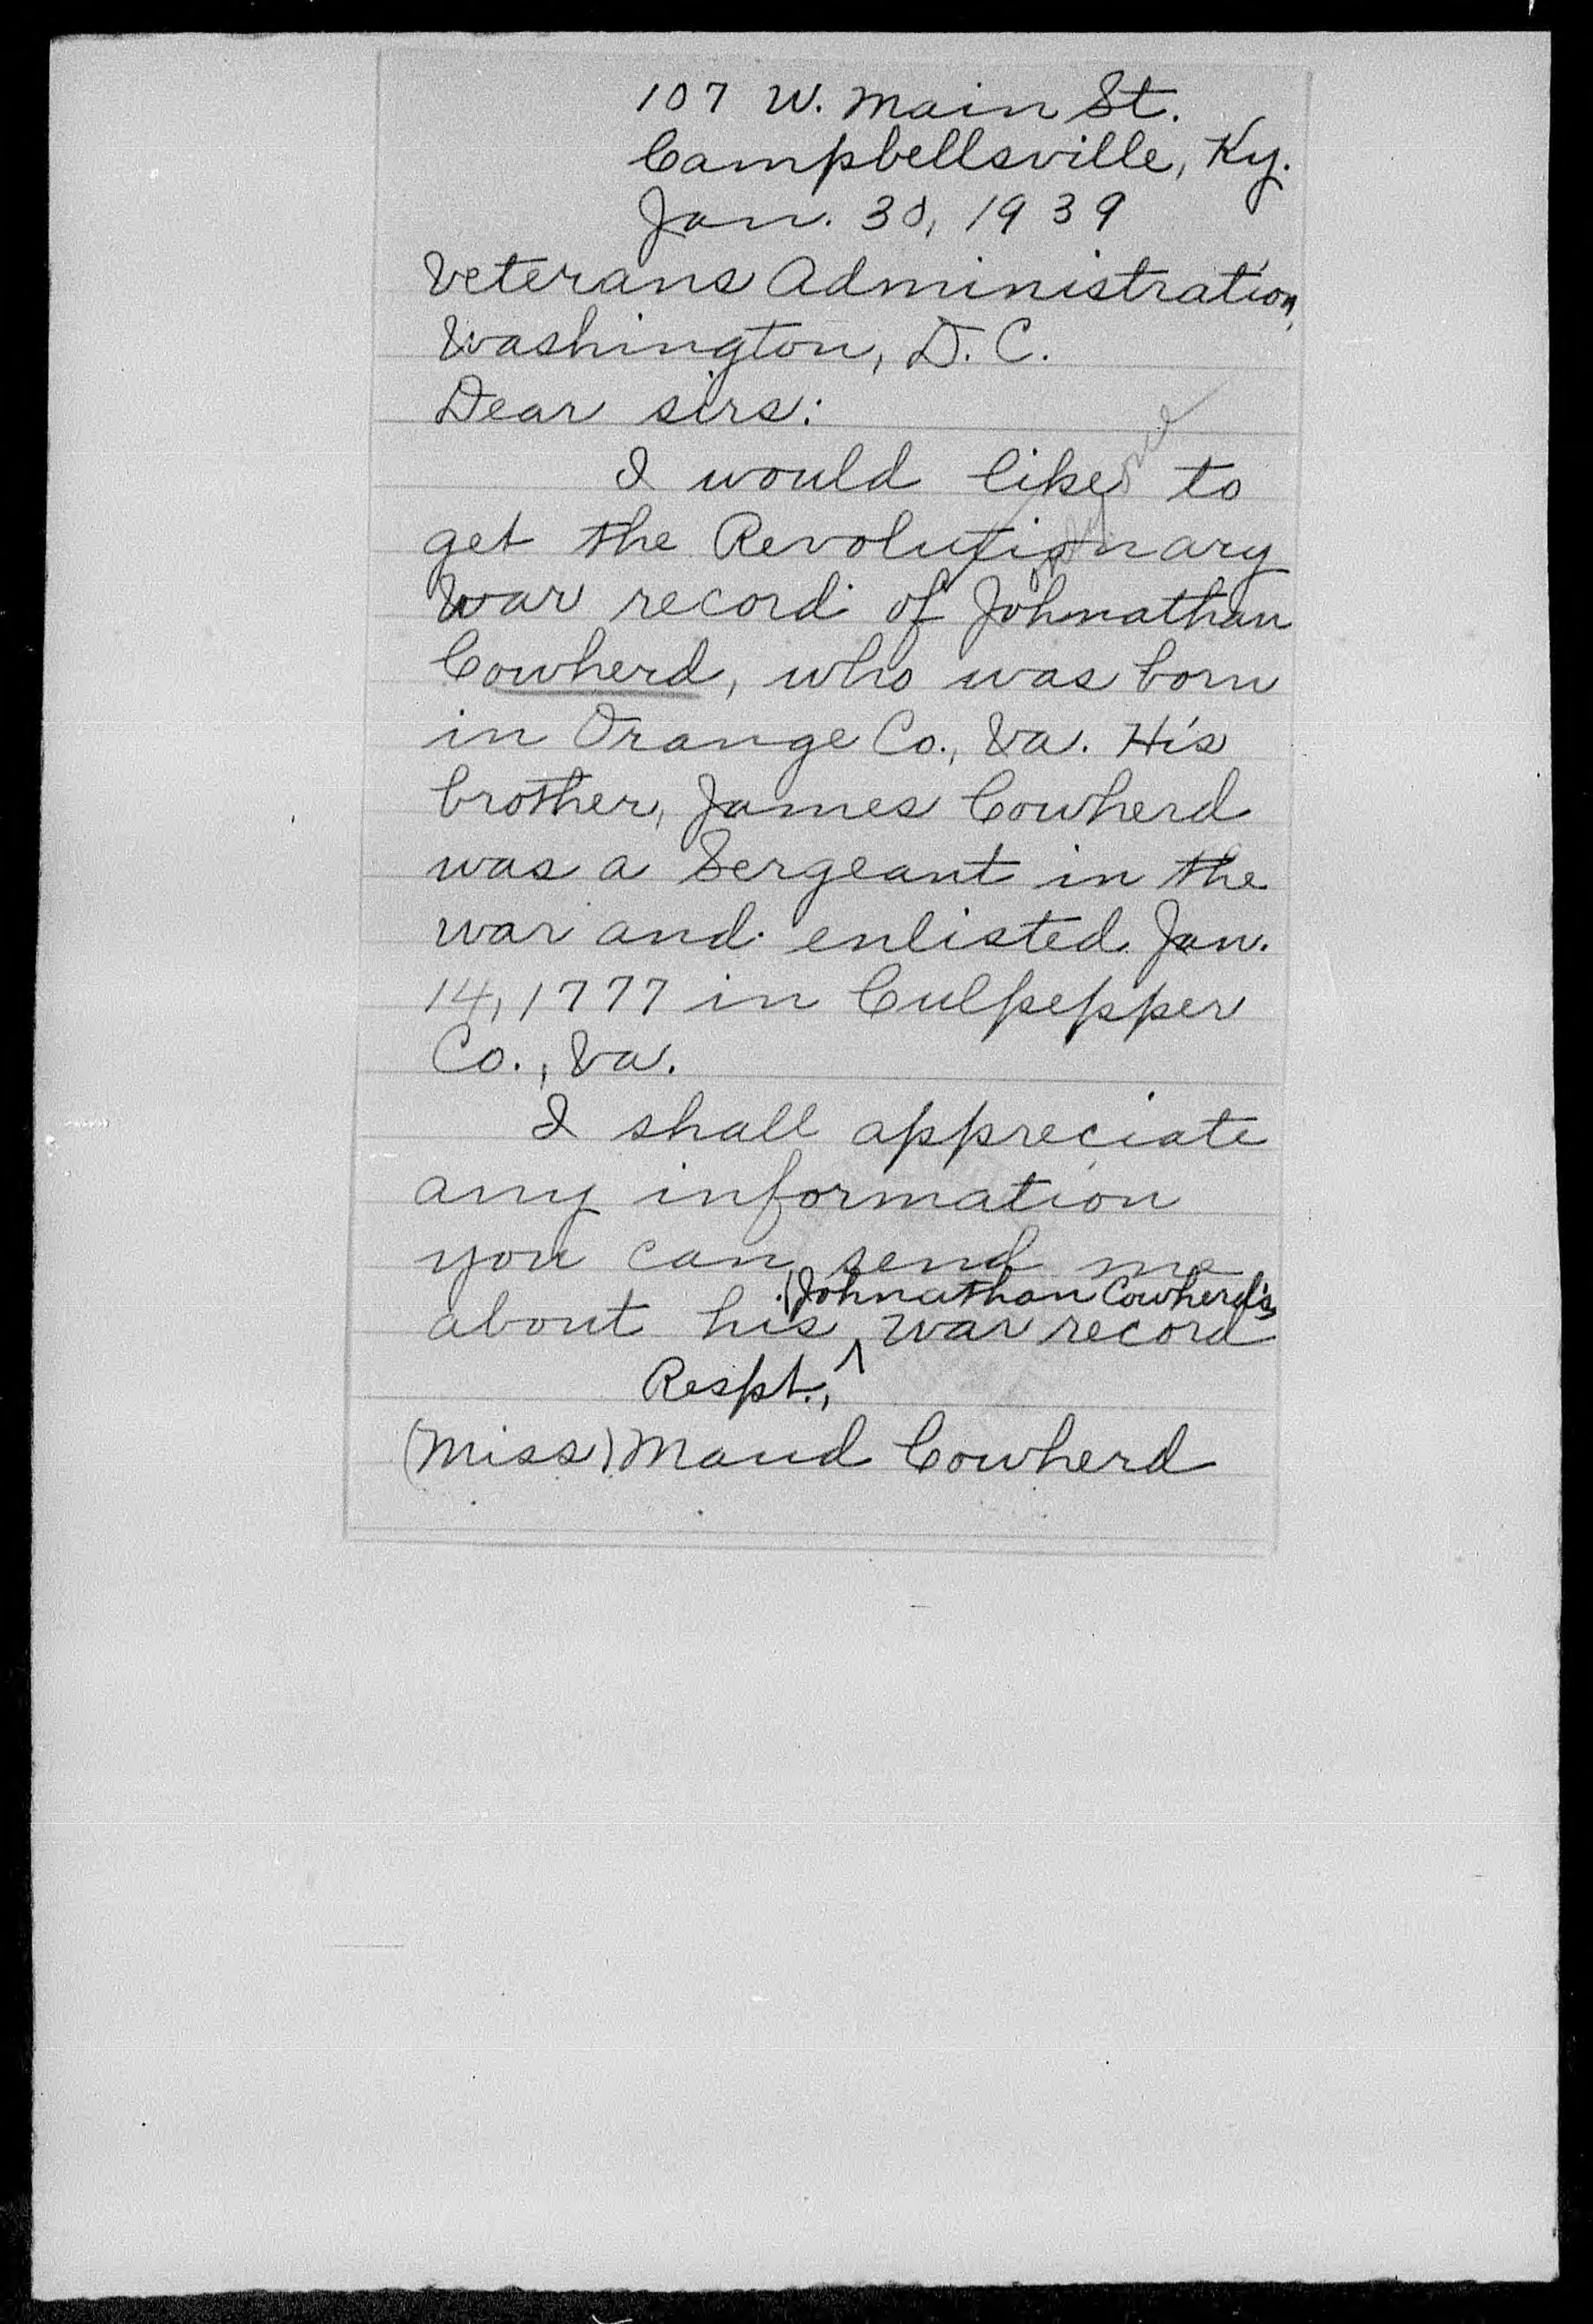107 W. Main St.
Campbellsville, Ky.
Jan. 30, 1939
Veterans Administration
Washington, D.C.
Dear sirs:

I would like to 
get the Revolutionary War
record of Johnathan
Cowherd, who was born
in Orange Co. Va. His
brother, James Cowherd
was a Sergeant in the
war and enlisted Jan.
14, 1777 in Culpepper
Co. Va
I shall appreciate
any information
you can send me
about his Johnathan Cowherd's  war record
Respt, [Respectfully,]
(Miss) Maud Cowherd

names: Johnathan Cowherd, Maud Cowherd, Johnathan Cowherd, James Cowherd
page: 40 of 46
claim: widow's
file: W 8619, Jonathan Cowherd, Va.